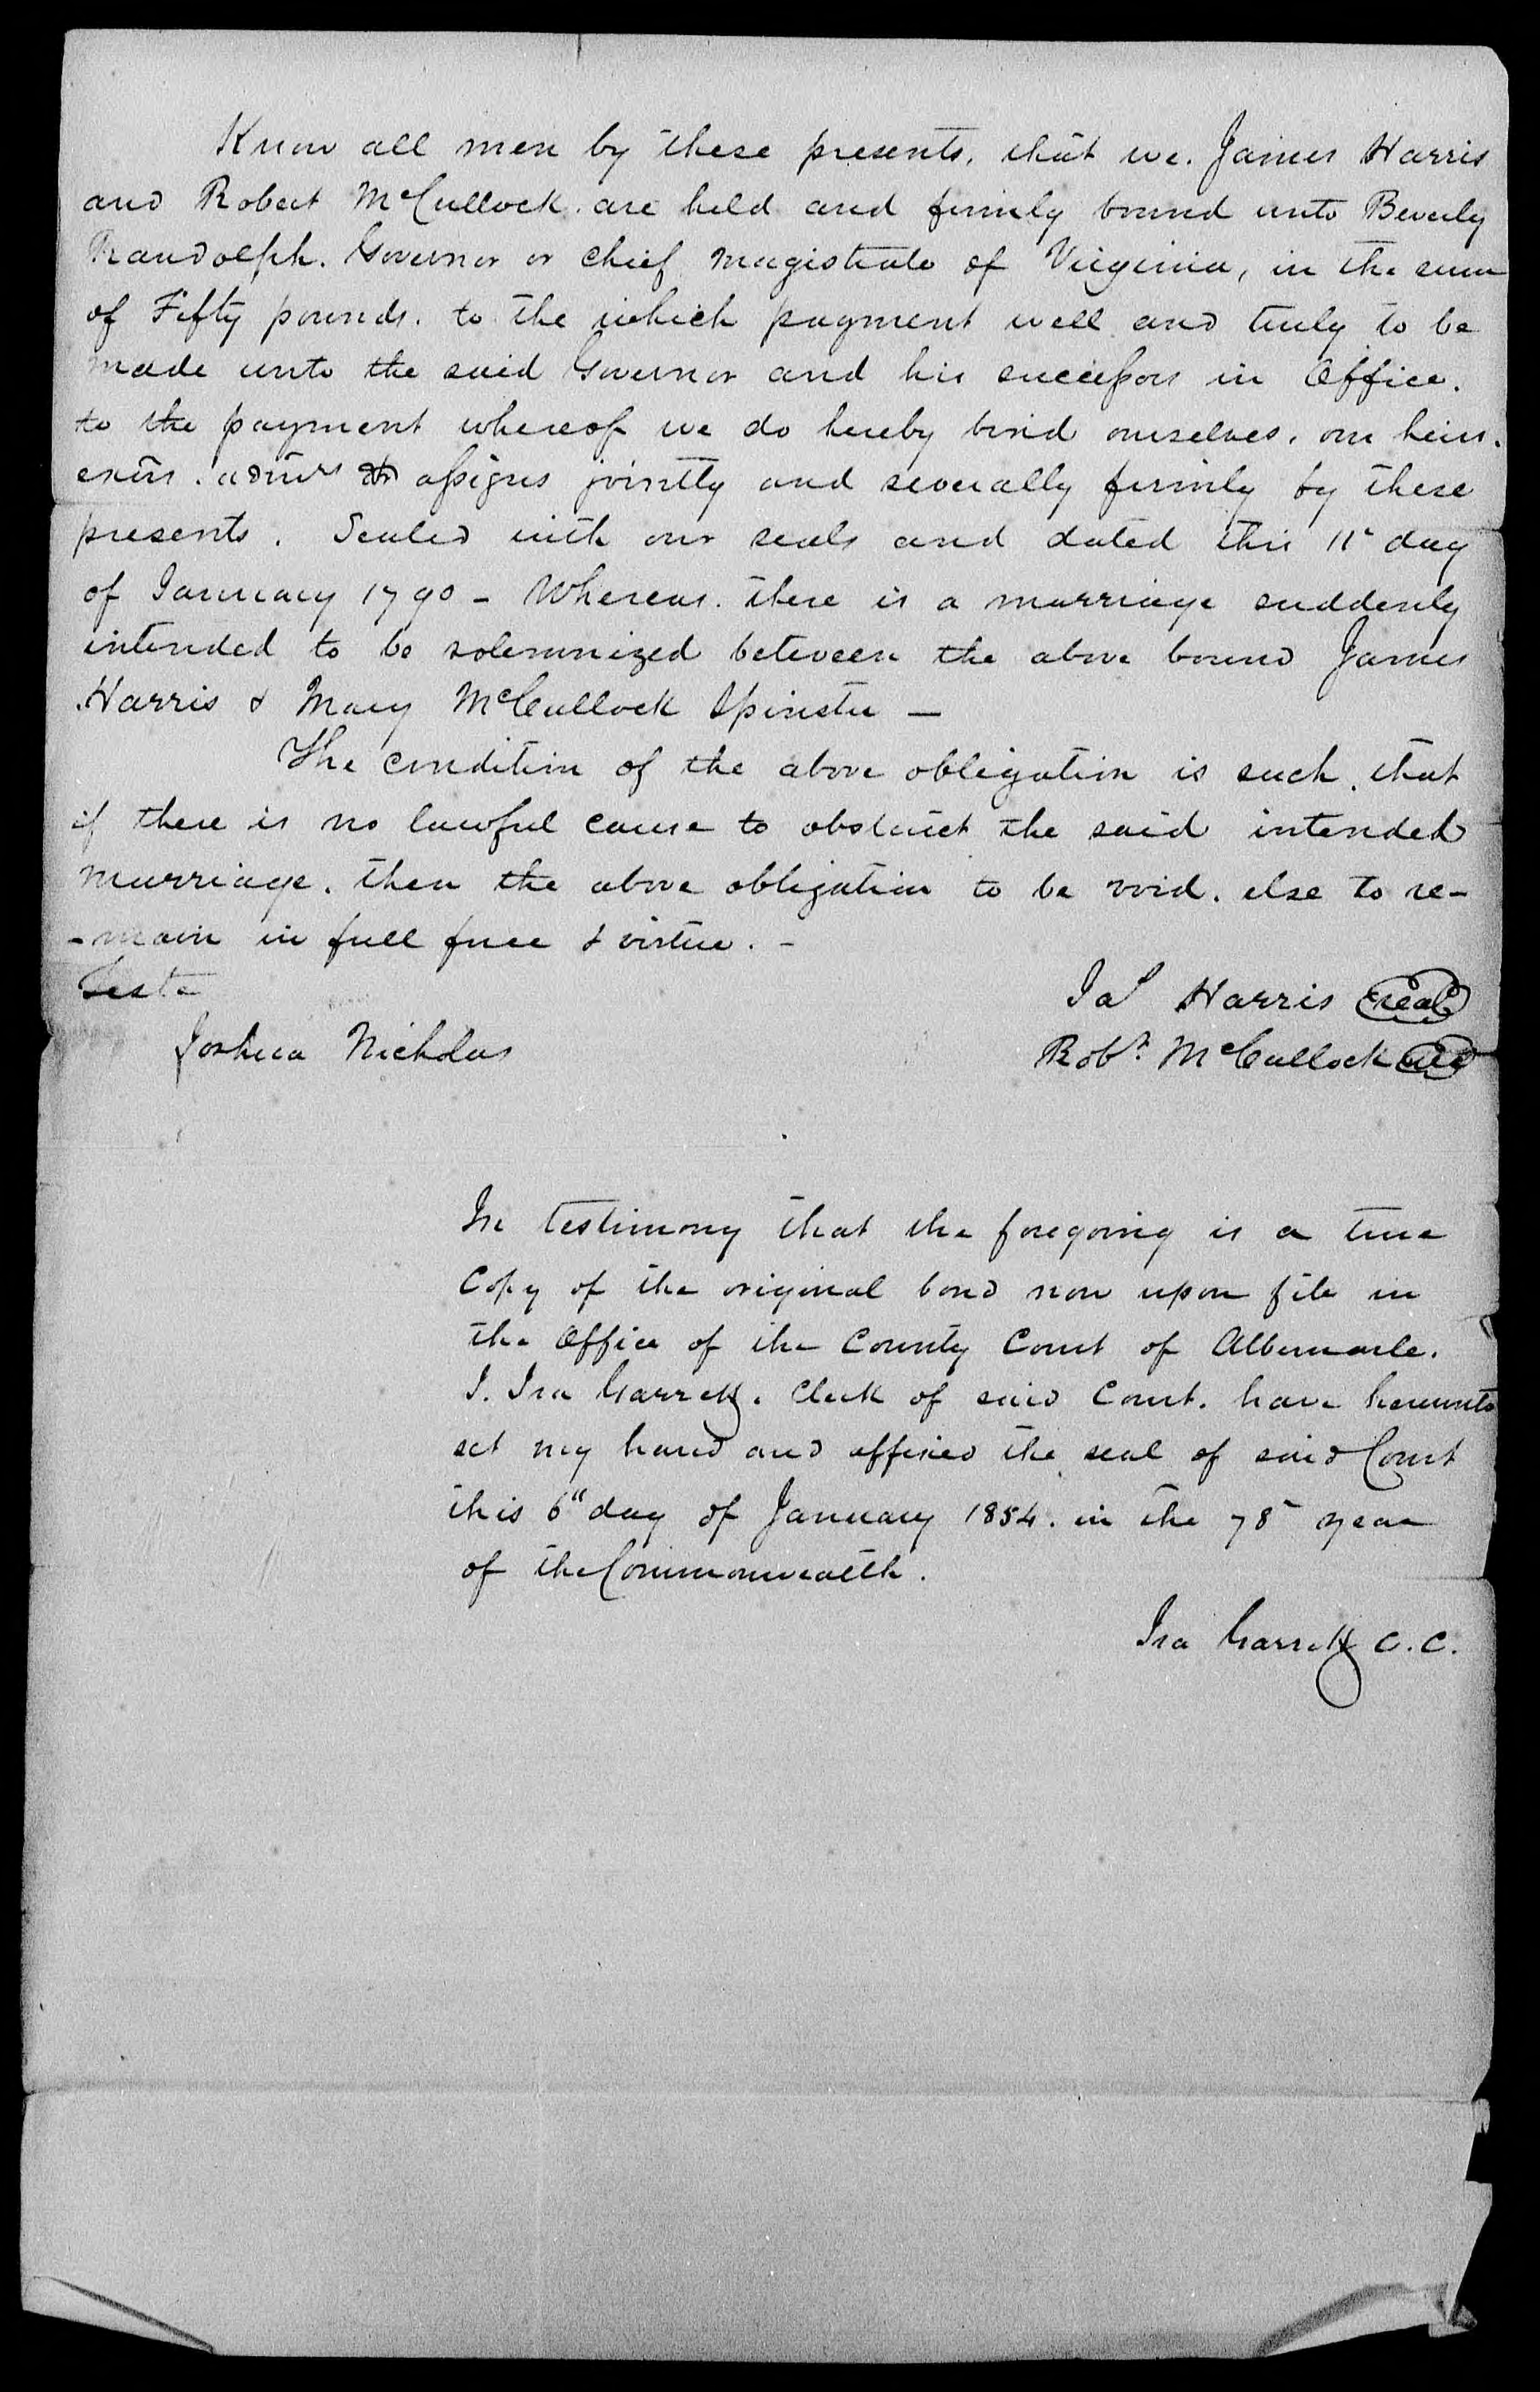Know all men by these presents, that we, James Harris
and Robert McCullock are held and firmly bound unto Beverly
Randolph. Governor & chief magistrate of Virginia, in the sum
of Fifty pounds. to the which payment well and truly to be
made unto the said Governor and his successors in office.
to the payment whereof we do hereby bind ourselves, our heirs, 
[?] & assigns jointly and severally firmly by these
presents. Sealed with our seals and dated this11th day
of January 1790 - Whereas there is a marriage suddenly
intended to be solemnized between the above bound James
Harris & Mary McCullock Spinster - 
The condition of the above obligation is such that
if there is no lawful cause to obstruct the said intended
marriage then the above obligation to be void else to re-
main in full force & virtue
Teste
Joshua Nicholas   Jas Harris (seal)
                              Robt McCullock (seal)
In testimony that the foregoing is a true
copy of the original bond now upon file in
the office of the county court of Albemarle
I, Ira Garrett, Clerk of said court have hereunto
set my hand and affixed the seal of said court
this 6th day of January 1854 in the 78th year
of the Commonwealth
Ira Garrett C.C.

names: James Harris, Mary Mc Cullock, Ira Garrett, Robt Mc Cullock, Jas Harris, Beverly Randolph, Ira Garrett, Robert Mc Cullock, Joshua Nicholas, James Harris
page: 3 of 160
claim: rejected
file: R. 4666, James Harris, Va.